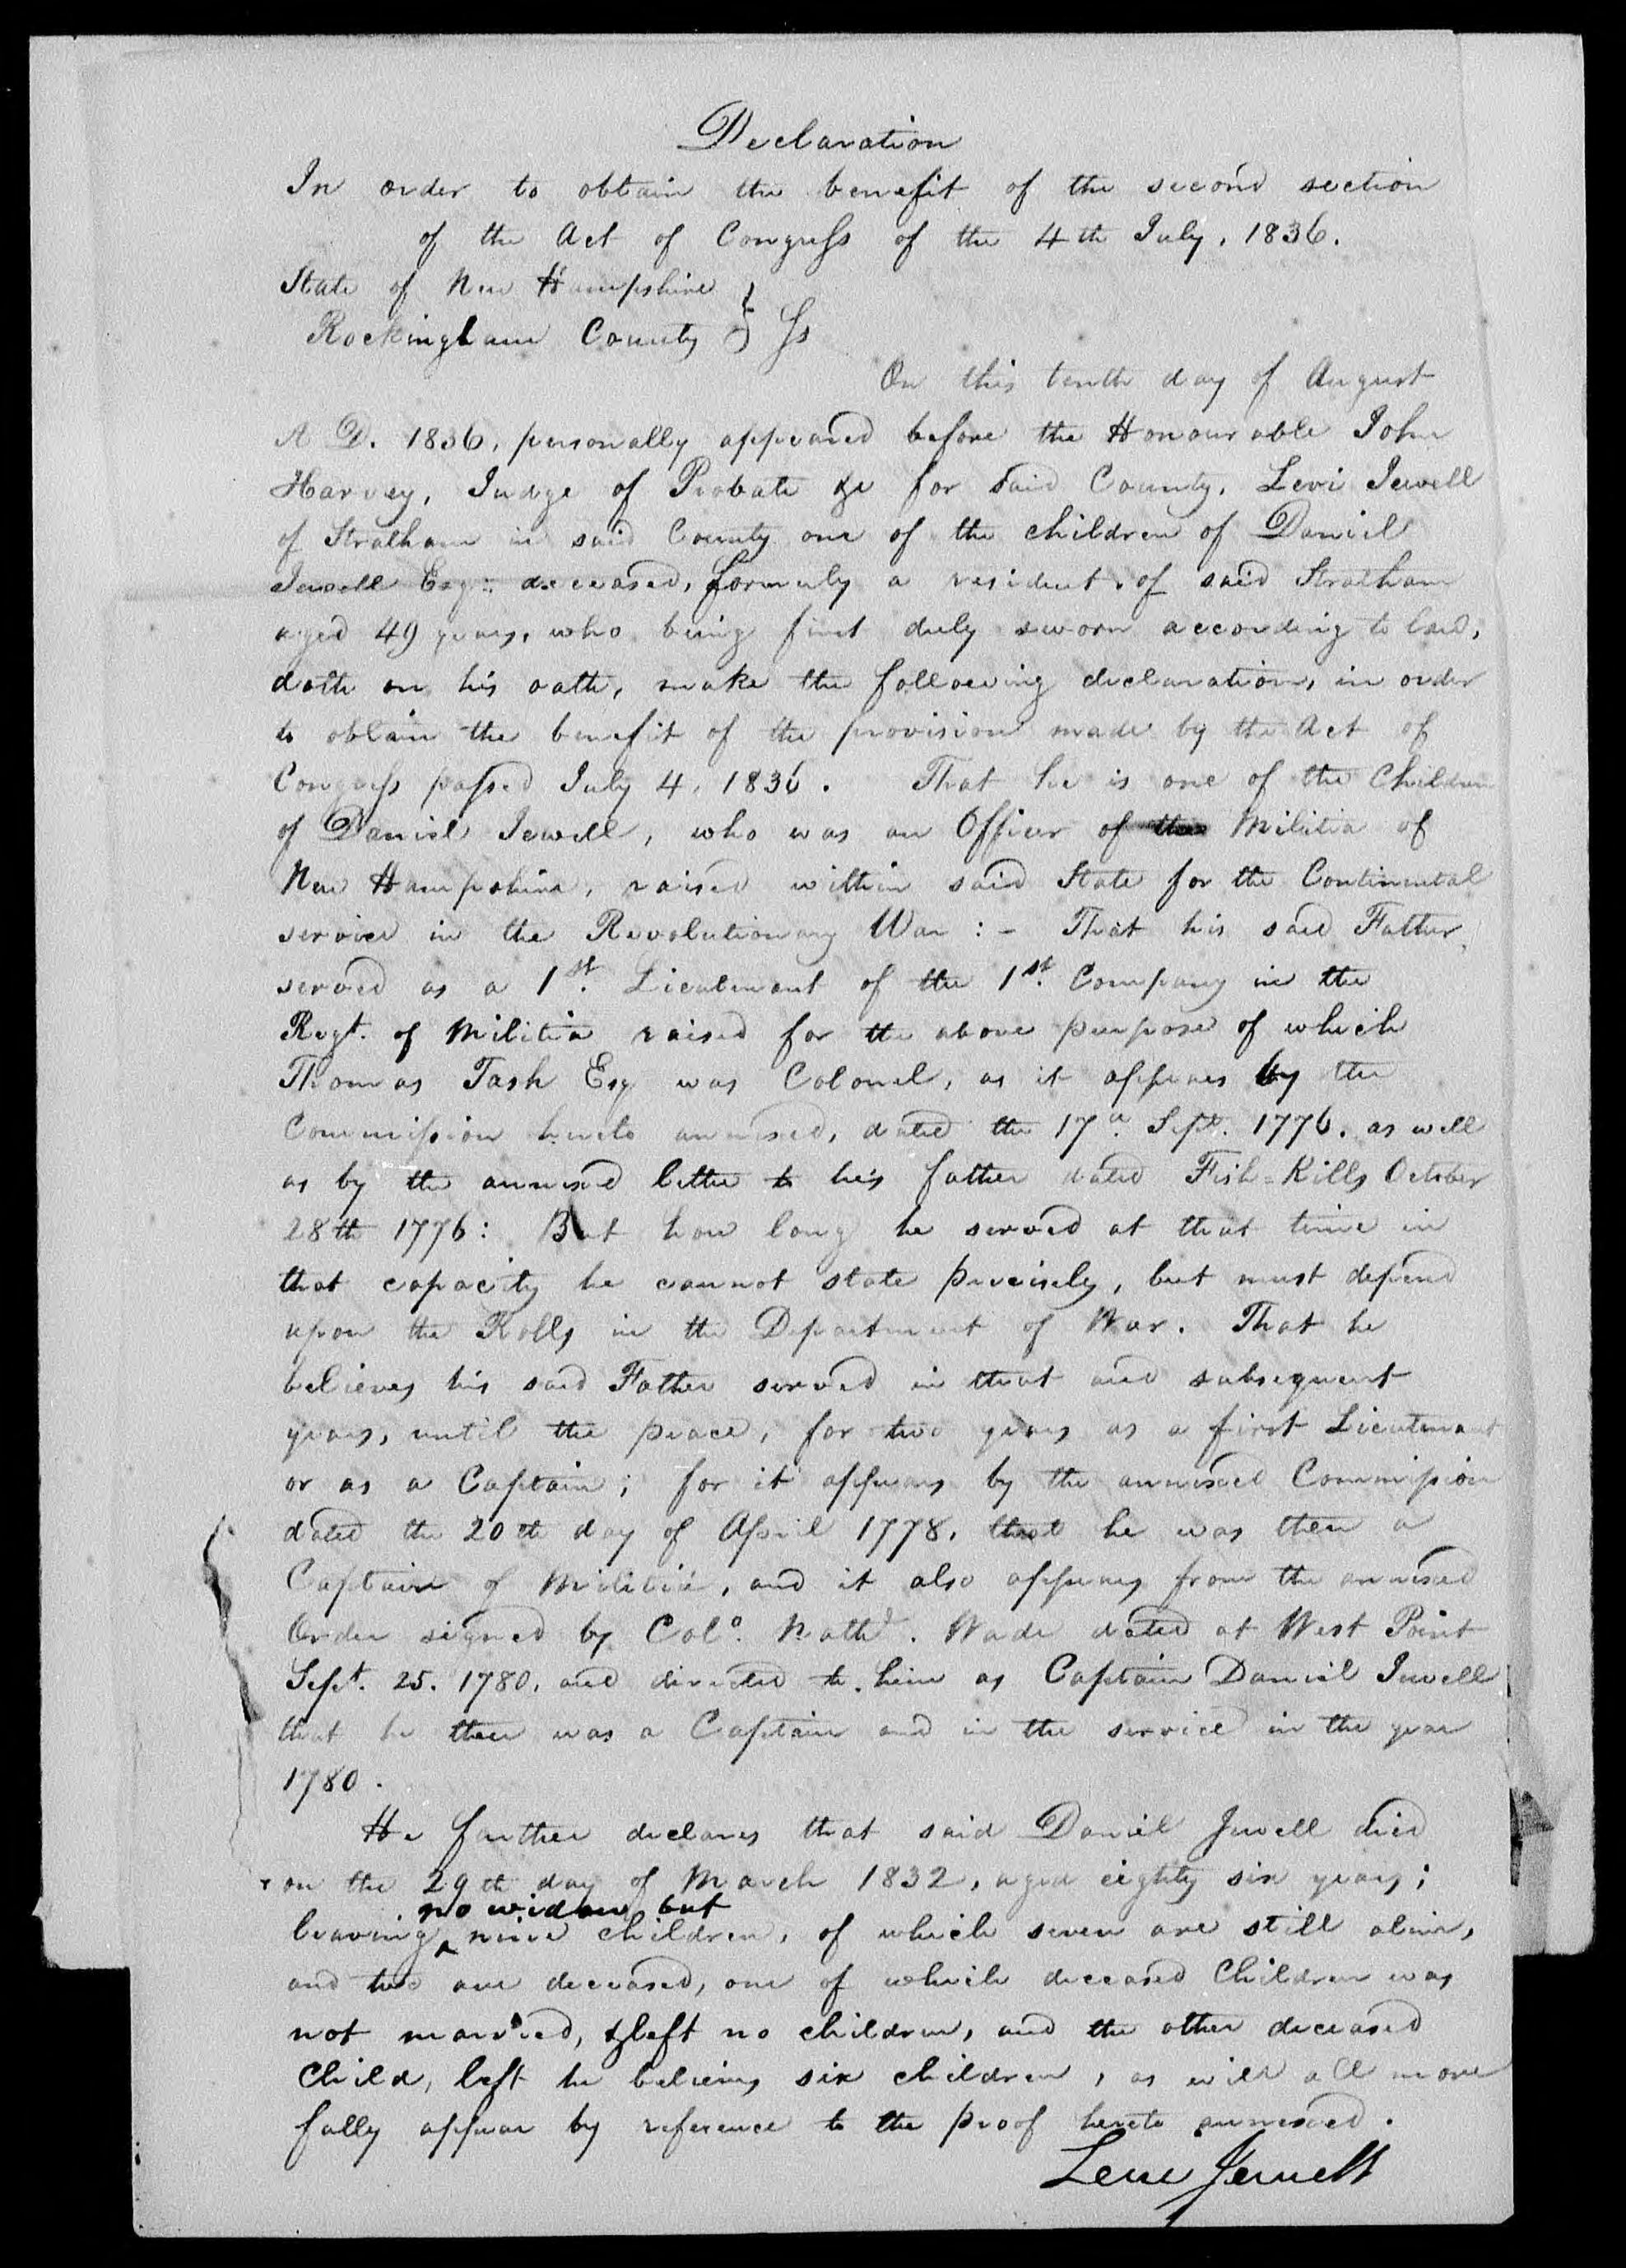Declaration
In order to obtain the benefit of the second section of the act of Congress of the 4th July, 1836.
State of New Hampshire
Rockingham County      ⎬Ss
On this tenth day of August A.D. 1836, personally appeared before the Honorable John Harvey, Judge of Probate for said County, Levi Jewell of Stratham in said County one of the children of Daniel Jewell Esqr deceased, formerly a resident of said Stratham aged 49 years, who being first duly sworn according to law, doth on his oath, make the following declaration, in order to obtain the benefit of the provision made by the act of Congress passed July 4, 1836. That he is one of the children of Daniel Jewell, who was an officer of the Militia of New Hampshire, raised within said State for the Continental service in the Revolutionary War: - That his said Father
served as a 1st Lieutenant of the 1st Company in the Regt. of Militia raised for the above purpose of which Thomas Task Esq was Colonel, as it appears by the Commission hereto annexed, dated the 17th Sept 1776 as well as by the annexed letter to his father dated Fish Kills October 28th 1776: But how long he served at that time in that capacity he cannot state precisely, but must depend upon the Rolls in the Department of War. That he believes his said Father served in that and subsequent years, until the peace, for two years as a first Lieutenant or as a Captain; for it appears by the annexed Commission dated the 20th day of April 1778, that he was then a Captain of Militia, and it also appears from the annexed Order signed by Colo Nathl. [NATHANIEL] Wade dated at West Point Sept 25, 1780, and directed to him as Captain Jewell that he then was a Captain and in the service in the year 1780.
He further declares that said Daniel Jewell died on the 29th day of March 1832, aged eighty six years; leaving no widow but nine children, of which seven are still alive, and two are deceased, one of which deceased children was not married, & left no children, and the other deceased child, left he believes six children, as will all more fully appear by reference to the proof hereto annexed.
Levi Jewell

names: Levi Jewell; John Harvey; Thomas Task; Nathl Wade; Daniel Jewell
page: 4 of 35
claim: survivor's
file: S. 10912, for Daniel Jewell, New Hampshire